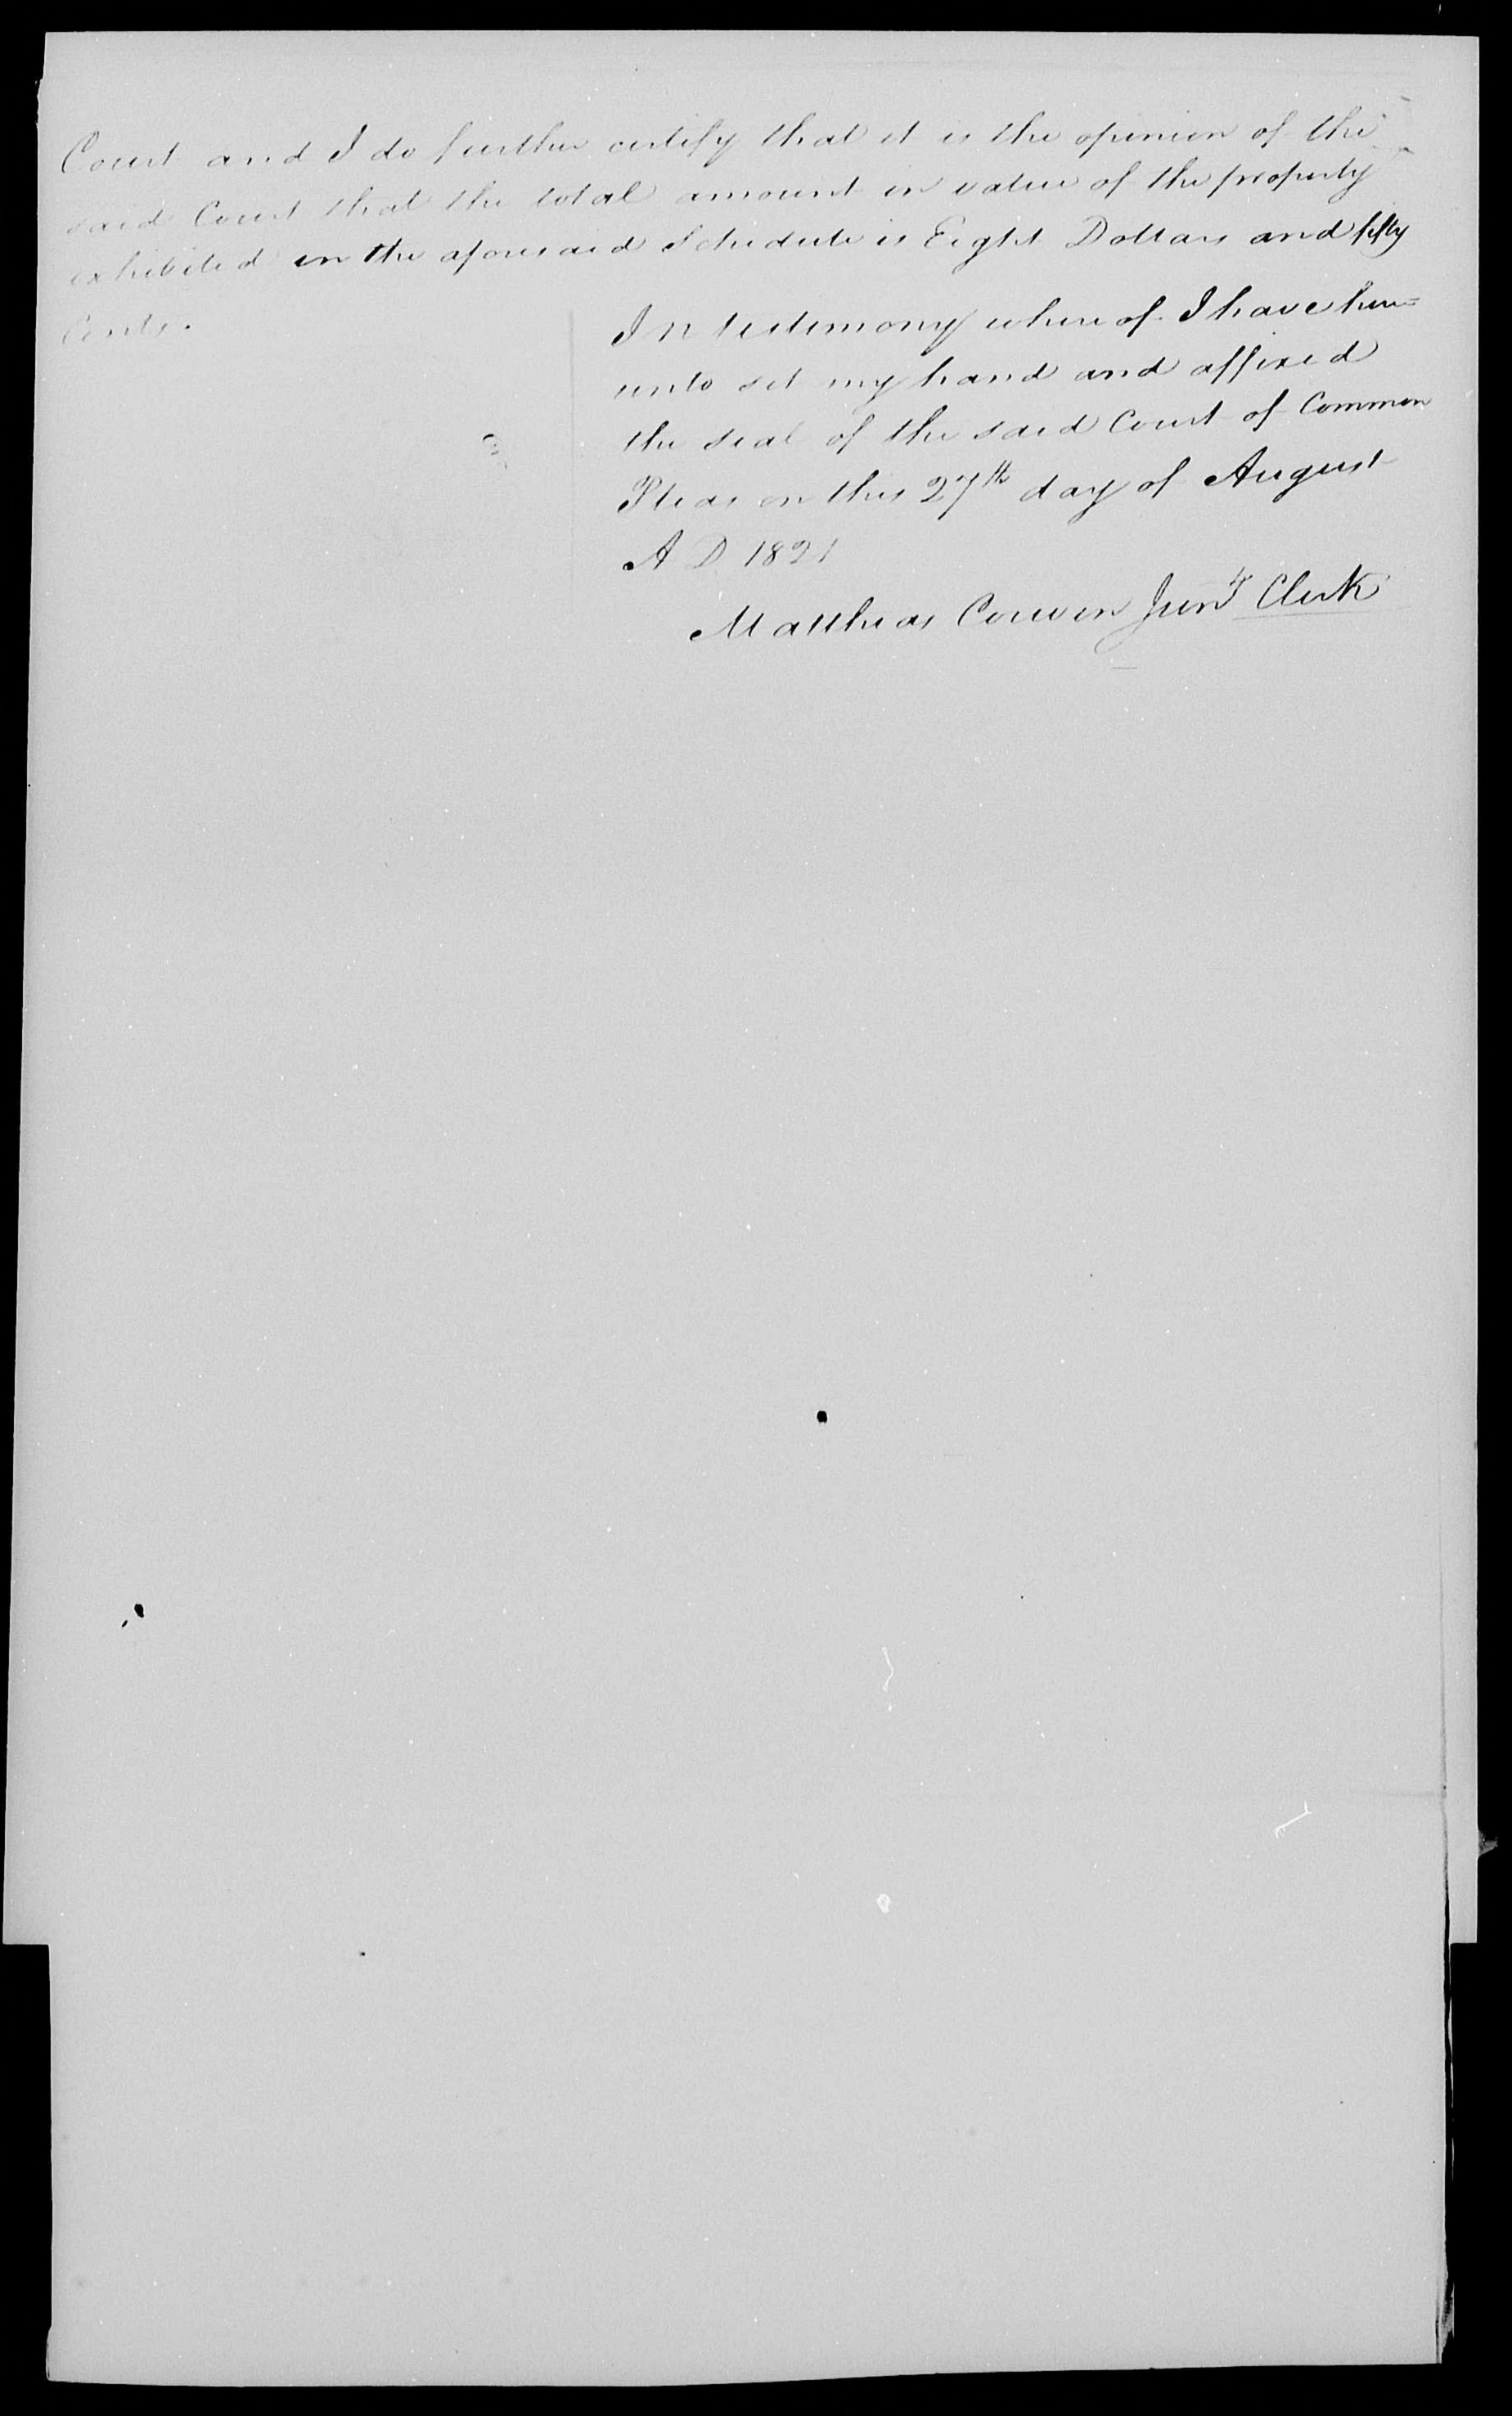Court and I do further certify that it is the opinion of the said Court that the total amount in value of the property exhibited on the aforesaid Schedule is eight dollars and fifty cents.
  In testimony whereof I have here unto set my hand and affixed the seal of the said Court of Common Pleas on this the 27th day of August A.D. 1821     Matthias Corwin  Junr Clerk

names: Matthias Corwin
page: 9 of 21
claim: survivor's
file: S. 42691, Jacob Earenfight, Continental Ohio Residence And Agency